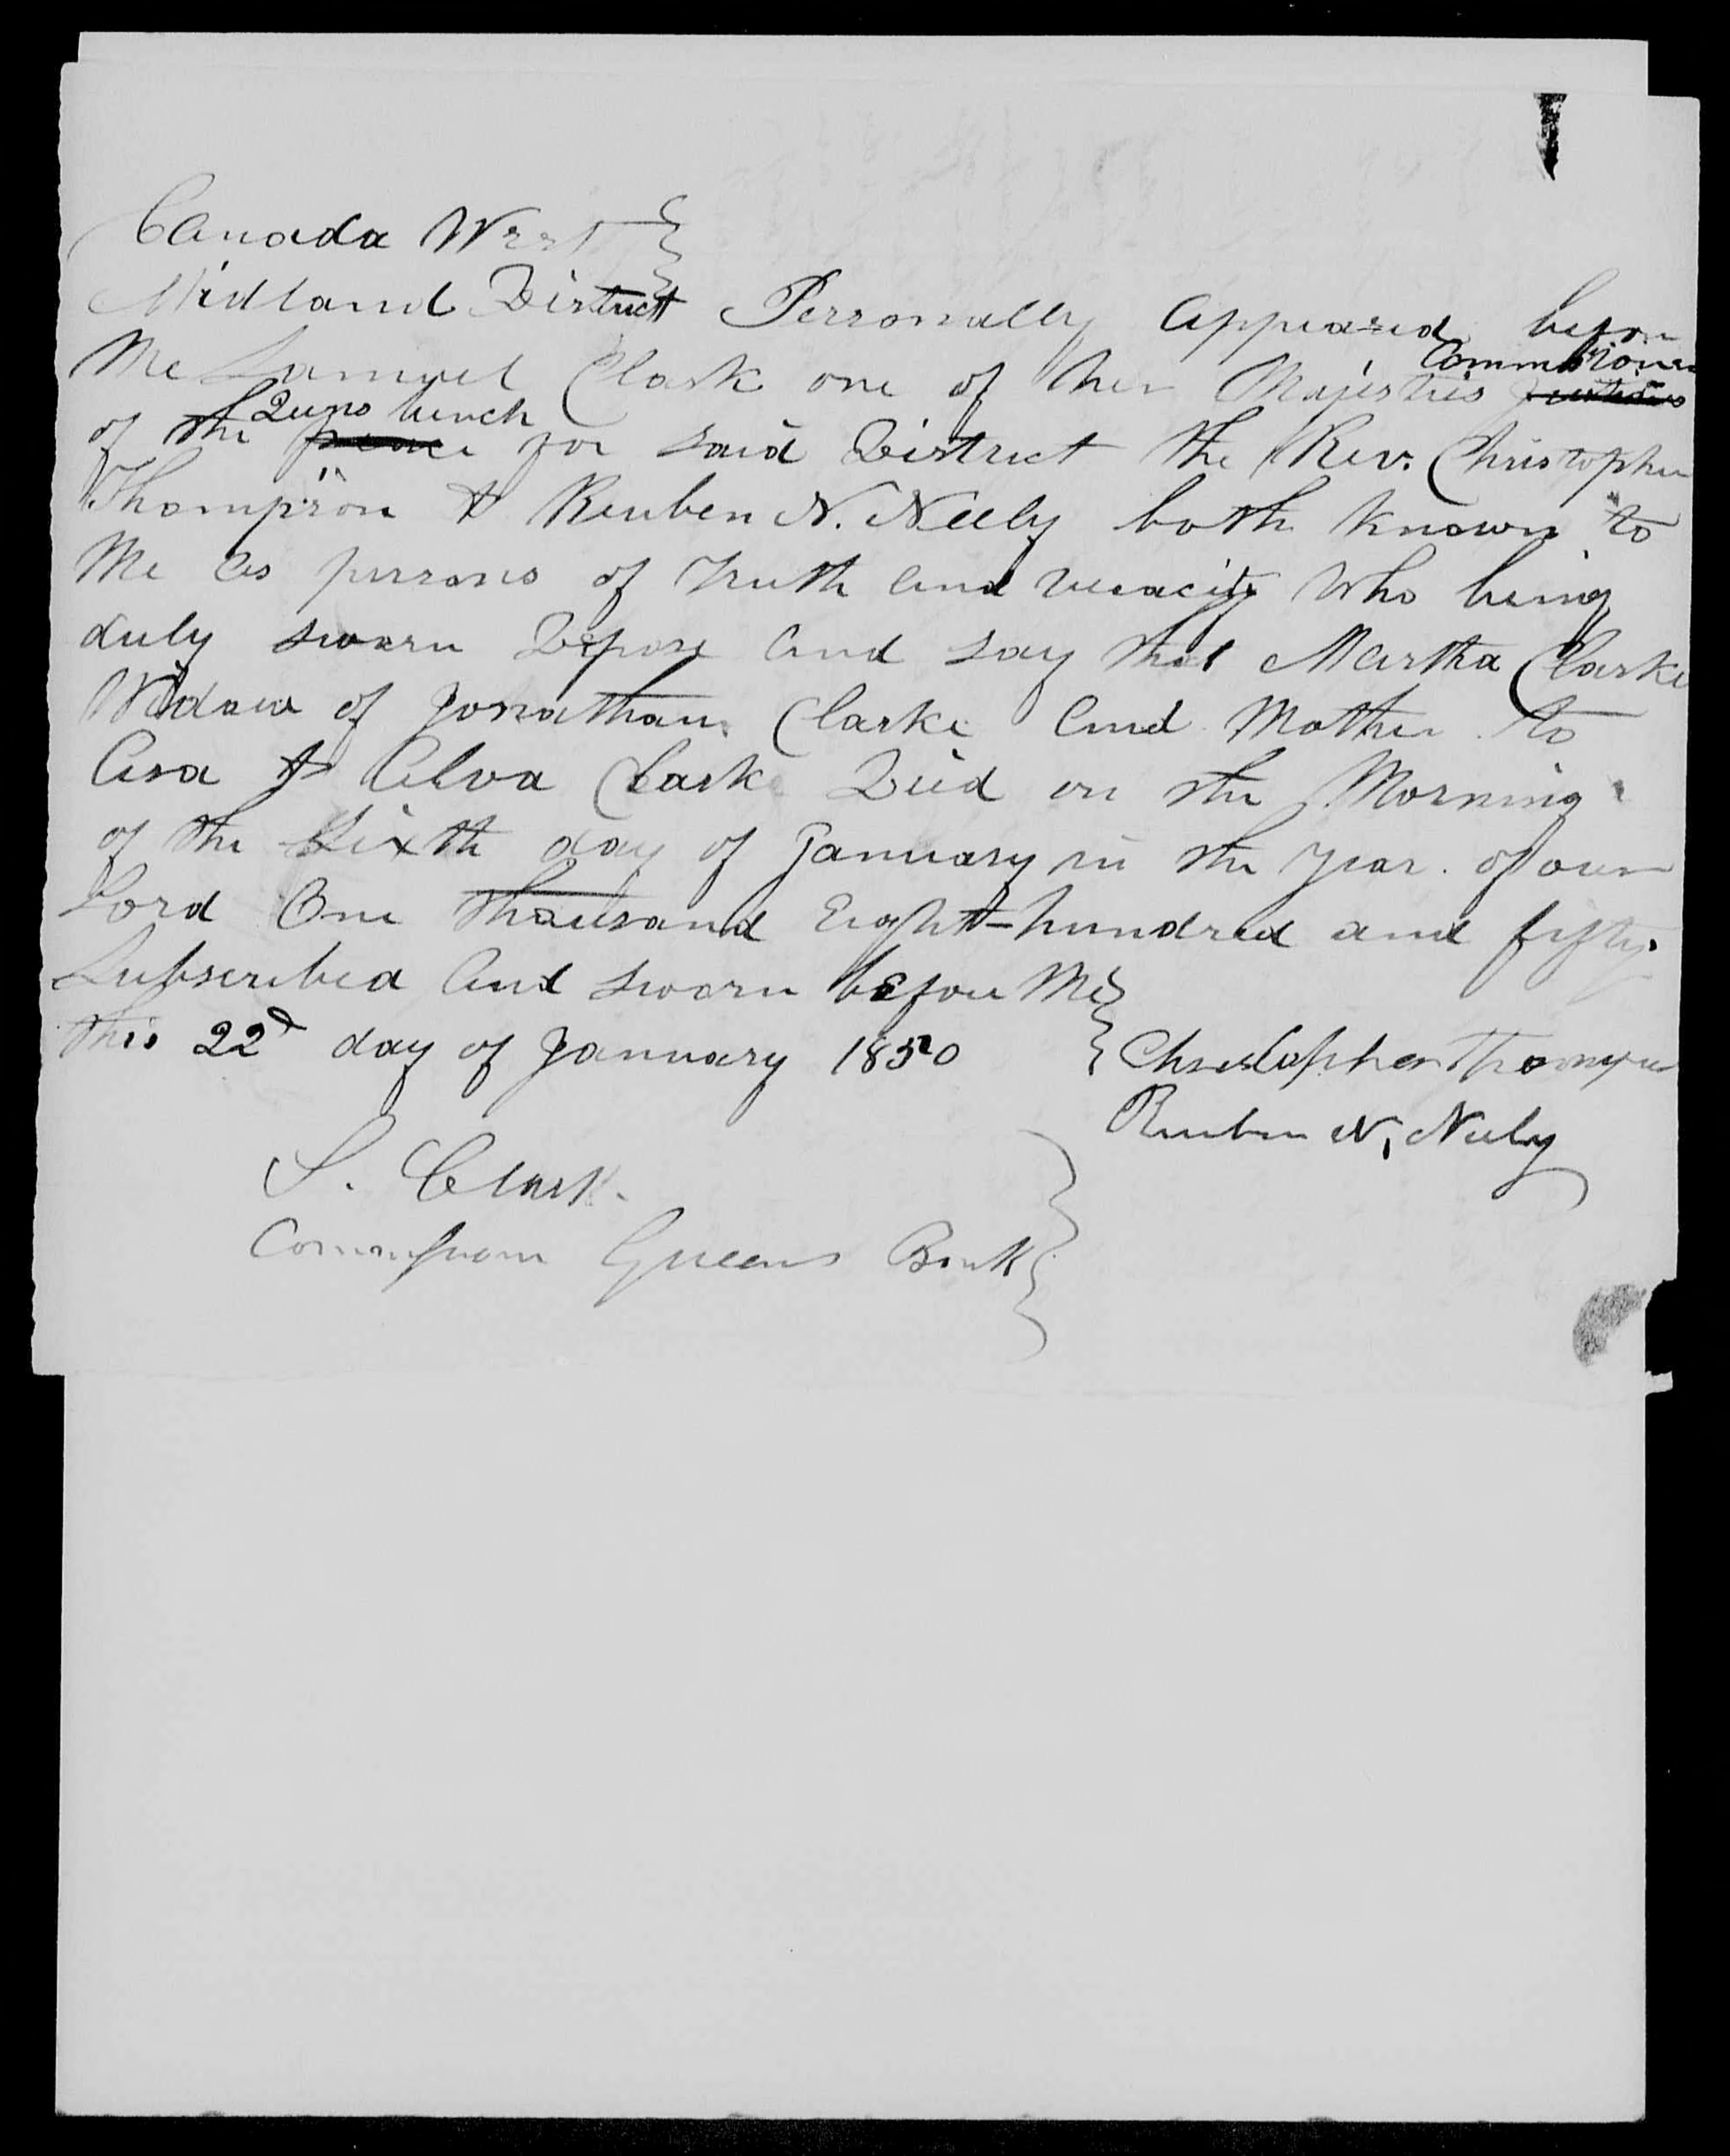Canada West  )
Midland District  )  Personally appeared before me Samuel Clark one of her Majesties Commissioners of the Queens bench for said District the Rev. Christopher Thompson & Reuben N. Neely both known to Me as persons of Truth and veracity who being duly sworn depose and say that Martha Clark Widow of Jonathan Clark and Mother to Asa & Alva Clark Died on the morning of the Sixth day of January in the year of our Lord One thousand Eight-hundred and fifty.
Christopher Thompson
Reuben N. Neely
Subscribed And Sworn before Me  )
this 22d day of Jnuary 1850  )
S. Clark
Commissioner Queens Bench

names: Asa Clarke, S Clark, Samuel Clark, Christopher Thompson, Alva Clarke, Christopher Thompson, Martha Clarke, Reuben N Neely, Jonathan Clarke, Reuben N Neely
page: 13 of 26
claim: rejected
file: R. 2001, Jonathan Clark, Conn.